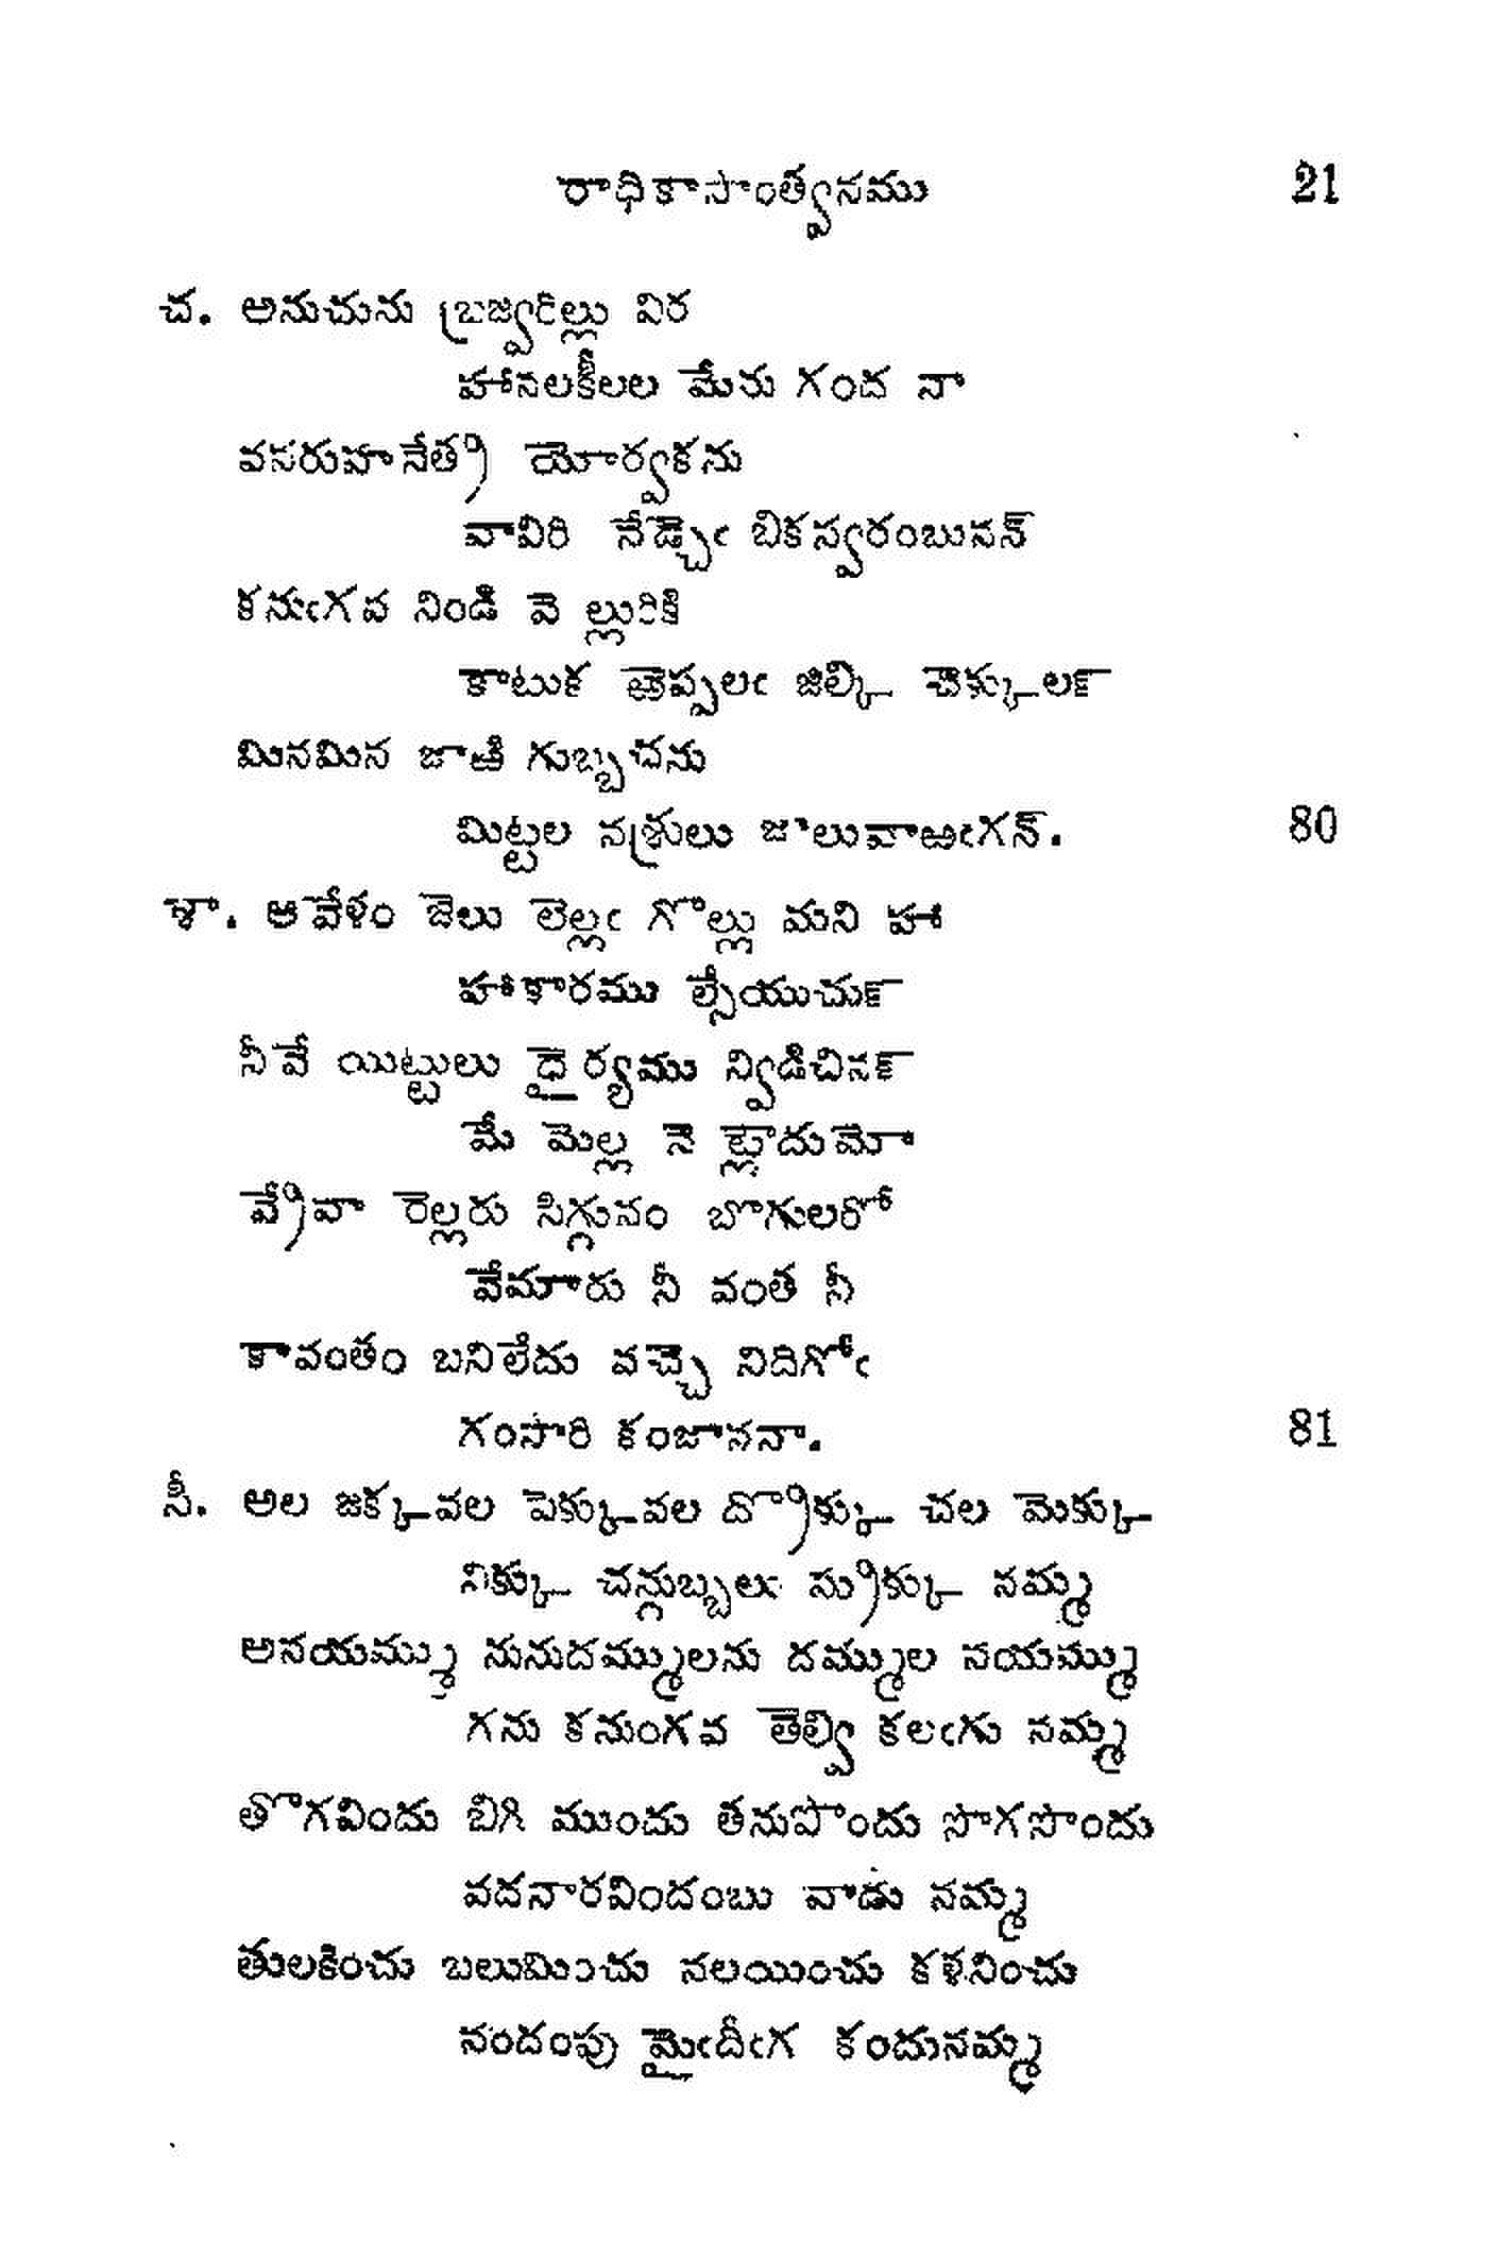చ. అనుచును బ్రజ్వరిల్లు విరహానలకీలల మేను గంద నా
వనరుహనేత్ర యోర్వకను వావిరి నేడ్చెఁ బికస్వరంబునన్
కనుఁగవ నిండి వెల్లురికి కాటుక ఱెప్పలఁ జిల్కి చెక్కులన్
మినమిన జారి గుబ్బచనుమిట్టల నశ్రులు జాలువాఱఁగన్. 80

శా. ఆ వేళం జెలు లెల్లఁ గొల్లు మని హాహాకారము ల్సేయుచున్
నీవే యిట్టులు ధైర్యము న్విడిచినన్ మే మెల్ల నె ట్లౌదుమో
వ్రేవా రెల్లరు సిగ్గునం బొగులరో వేమారు నీ వంత నీ
కావంతం బని లేదు వచ్చె నిదిగోఁ గంసారి కంజాననా. 81

సీ. అల జక్కవల పెక్కువల ద్రొక్కు చల మెక్కు
నిక్కు చన్గుబ్బలు సుక్కు నమ్మ
అనయమ్ము నునుదమ్ములను దమ్ముల నయమ్ము
గను కనుంగవ తెల్వి కలఁగు నమ్మ
తొగవిందు బిగి ముందు తనుపొందు సొగసొందు
వదనారవిందంబు వాడు నమ్మ
తులకించు బలుమించు నలయించు కళనించు
నందంపు మైఁదీగ కందు నమ్మ